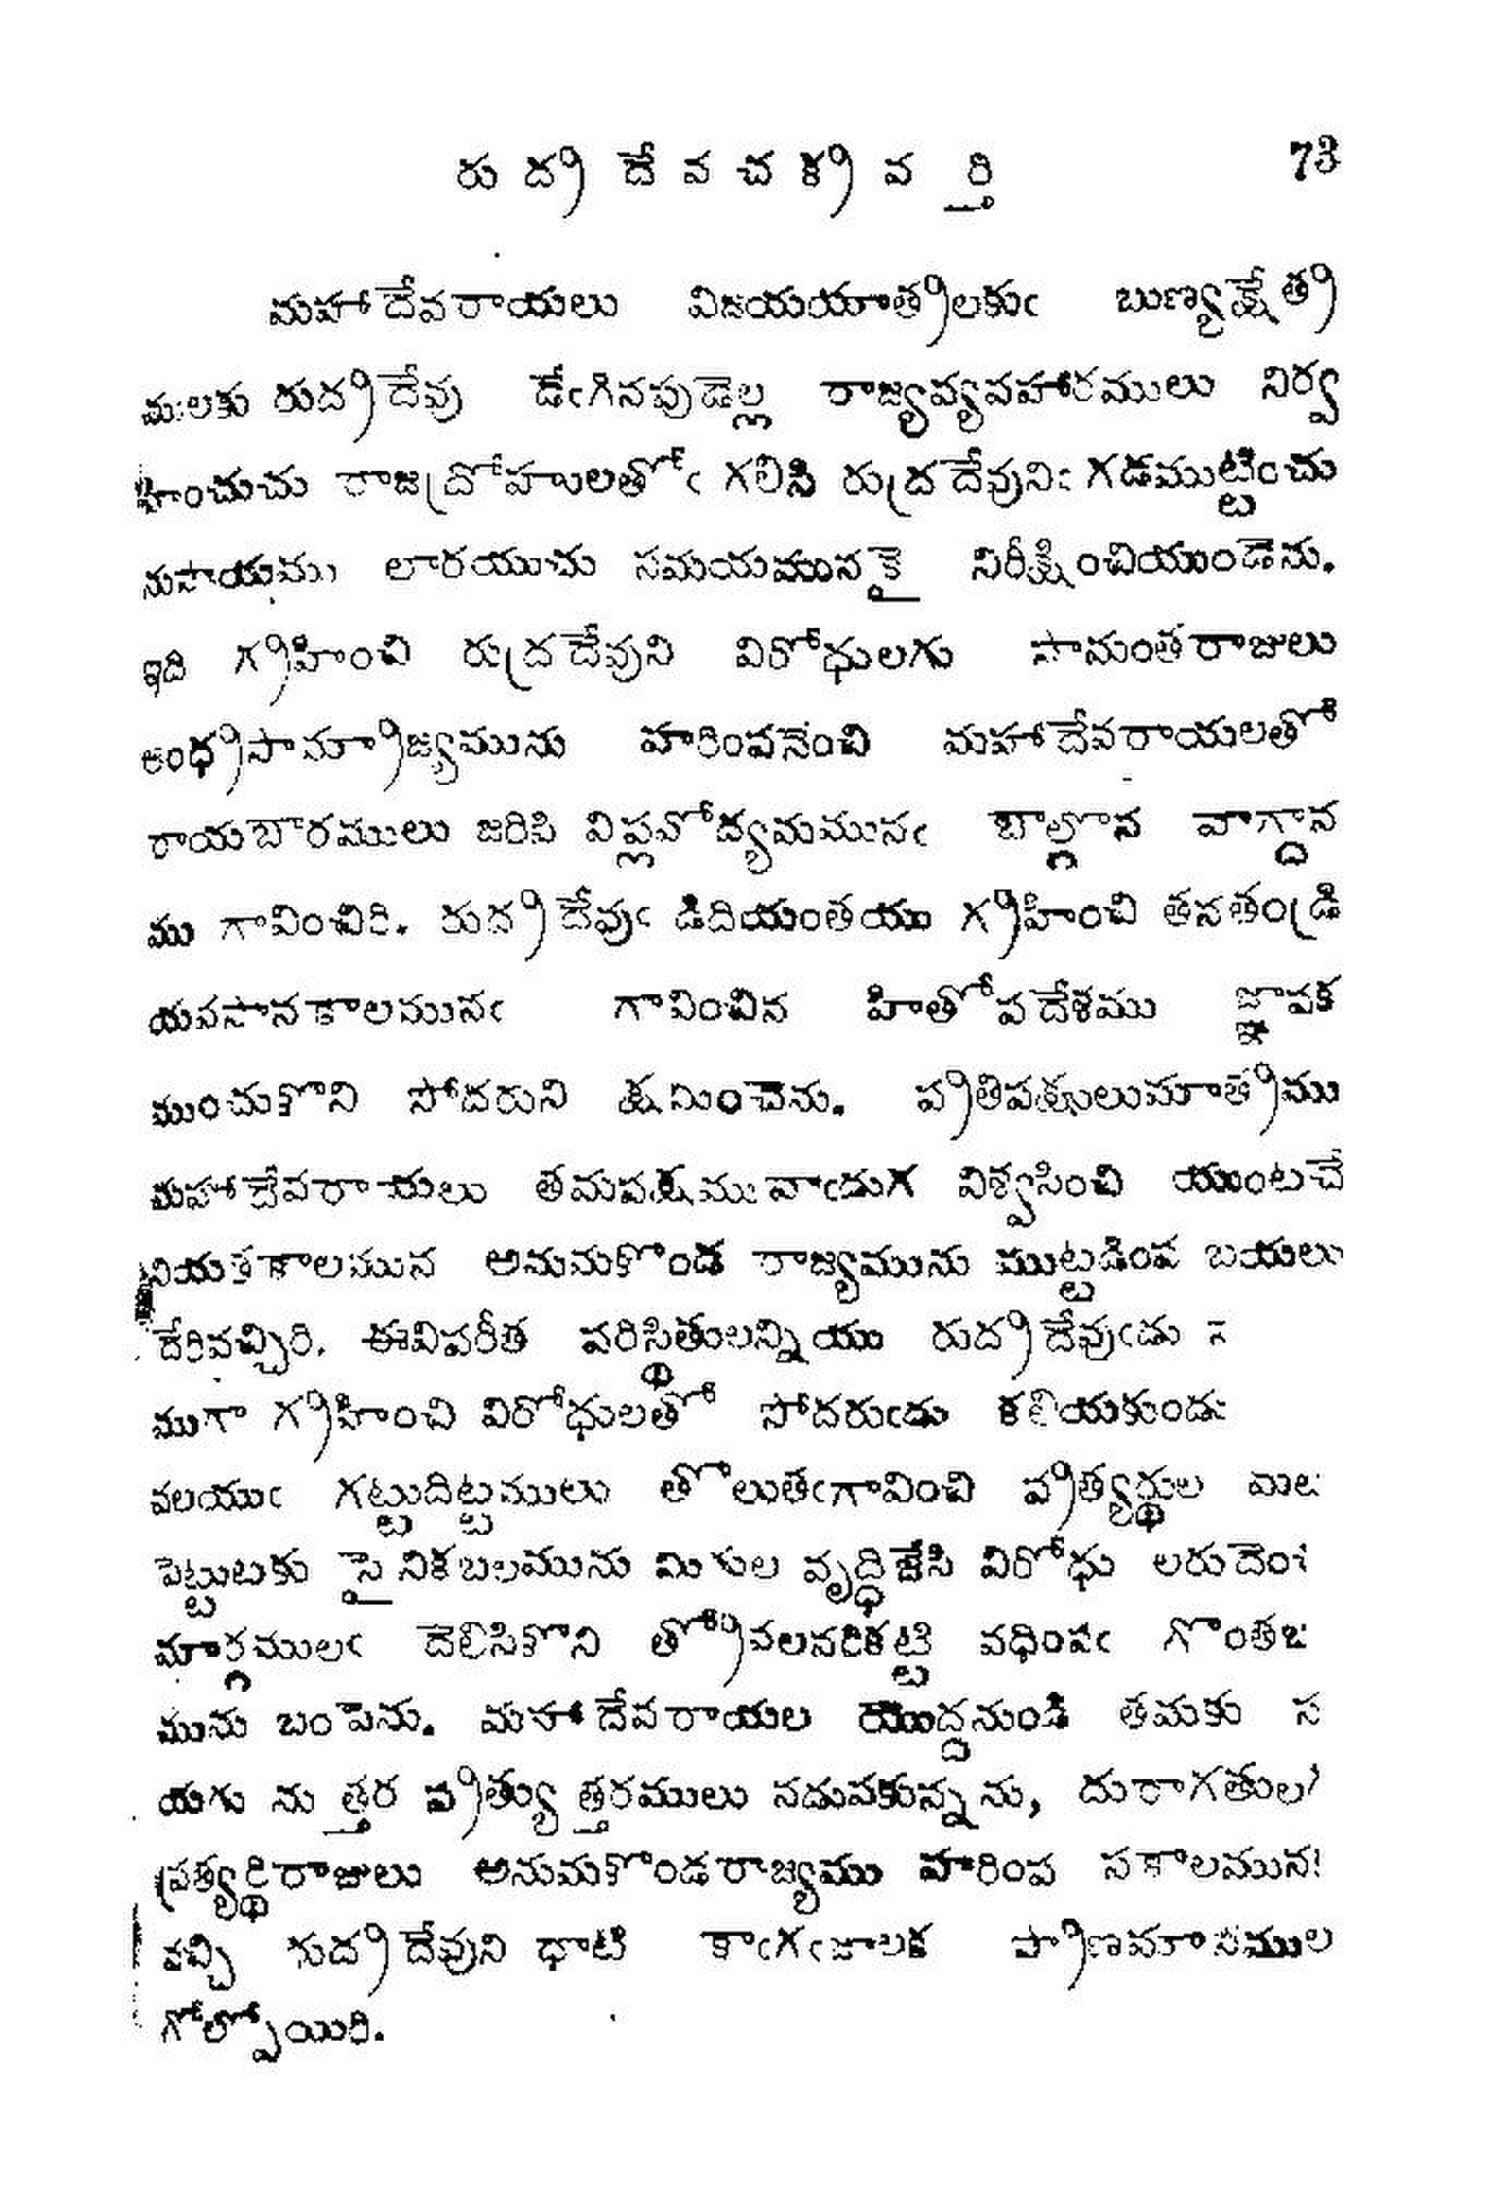మహాదేవరాయలు విజయయాత్రలకు బుణ్యక్షేత్రములకు రుద్రదేవు డేగినపుడెల్ల రాజ్యవ్యవహారములు నిర్వహించుచు రాజద్రోహులతో గలిసి రుద్రదేవుని గడముట్టించు నుపాయము లారయుచు సమయమునకై నిరీక్షించియుండెను. ఇది గ్రహించి రుద్రదేవుని విరోధులగు సామంతరాజులు ఆంధ్రసామ్రాజ్యమును హరింపనెంచి మహాదేవరాయలతో రాయభారములు జరిపి విప్లవోద్యమమున బాల్గొన వాగ్దానము గావించిరి. రుద్రదేవు డిదియంతయు గ్రహించి తనతండ్రి యవసానకాలమున గావించిన హితోపదేశము జ్ఞాపకముంచుకొని సోదరుని క్షమించెను. ప్రతిపక్షులుమాత్రము మహాదేవరాయలు తమపక్షమువాడుగ విశ్వసించి యుంటచే నియతకాలమున అనుమకొండ రాజ్యమును ముట్టడింప బయలుదేరివచ్చిరి. ఈవిపరీత పరిస్థితులన్నియు రుద్రదేవుడు సమగ్రముగా గ్రహించి విరోధులతో సోదరుడు కలియకుండునటుల వలయు గట్టుదిట్టములు తొలుతగావించి ప్రత్యర్థుల మట్టుపెట్టుటకు సైనికబలమును మిగుల వృద్ధిజేసి విరోధు లరుదెంచు మార్గముల దెలిసికొని త్రోవలనరికట్టి వధింప గొంతబలమును బంపెను. మహాదేవరాయల యొద్దనుండి తమకు సరియగు నుత్తర ప్రత్యుత్తరములు నడుపకున్నను, దురాగతులగు ప్రత్యర్థిరాజులు అనుమకొండరాజ్యము హరింప సకాలమునకు వచ్చి రుద్రదేవుని ధాటి కాగజాలక ప్రాణమానముల గోల్పోయిరి.